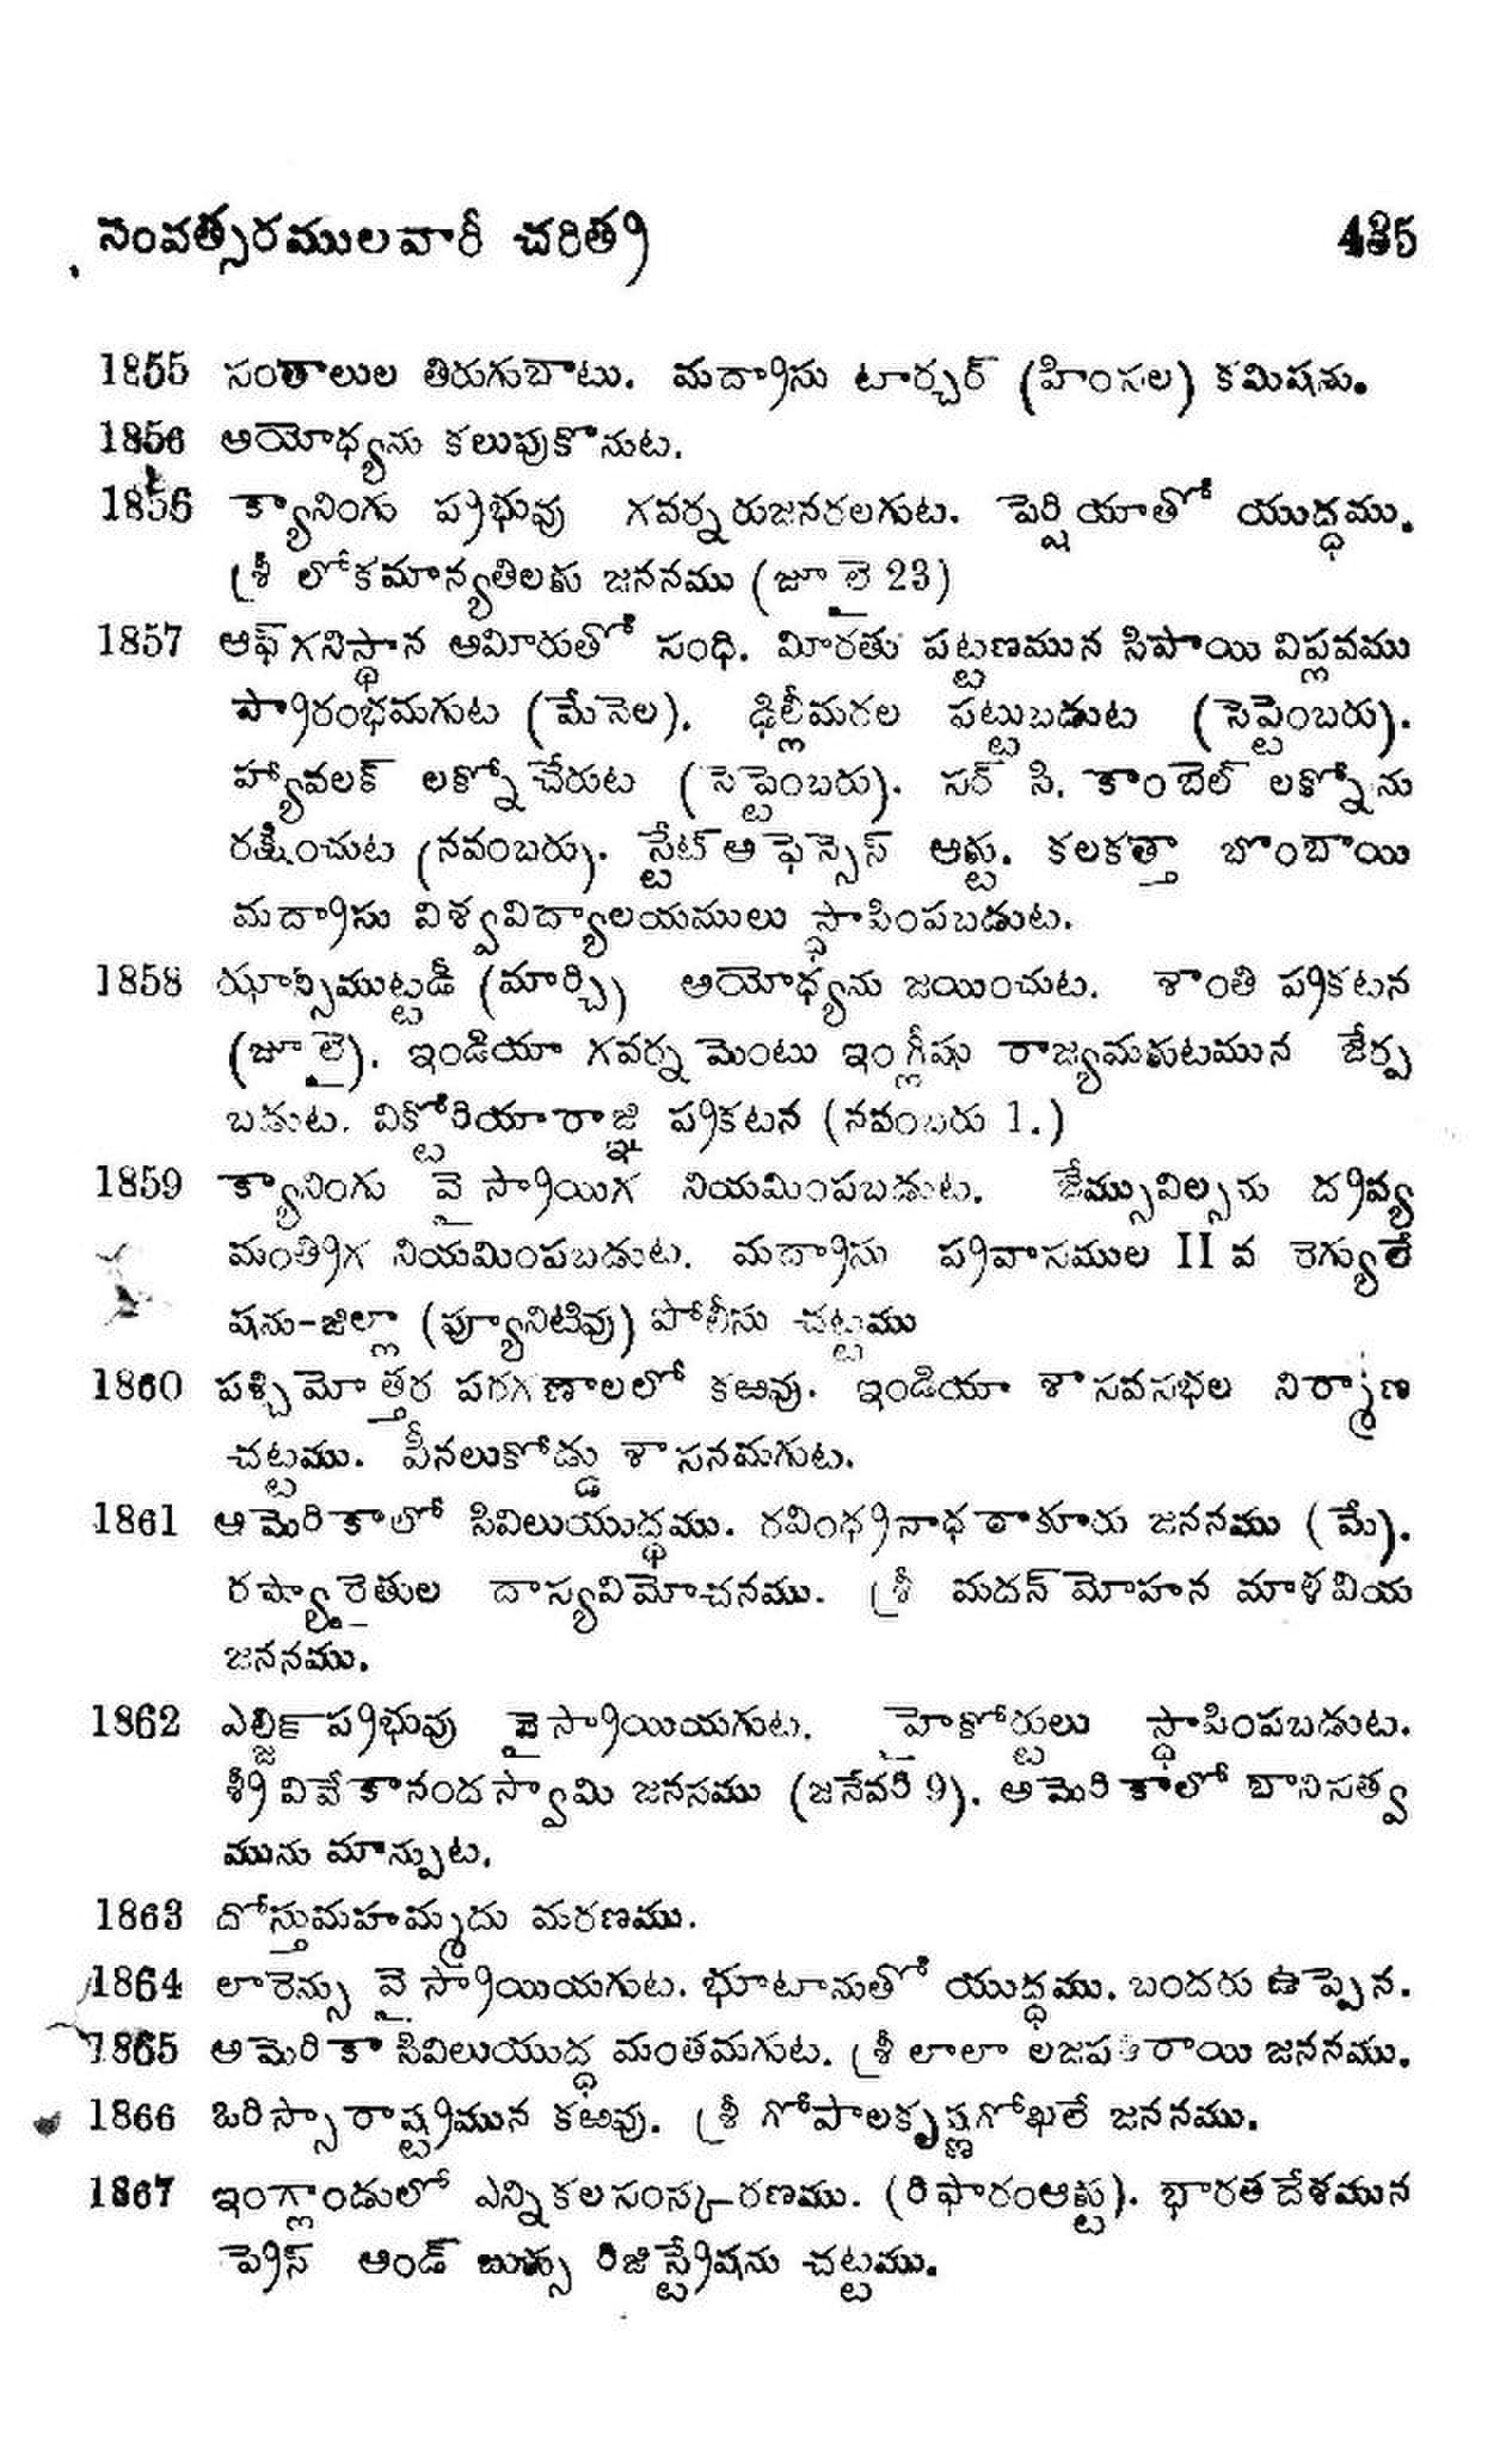1855 సంతాలుల తిరుగుబాటు. మద్రాసు టార్చర్ (హింసల) కమిషను. 

1856 అయోధ్యను కలుపుకొనుట. 

1856 క్యానింగు ప్రభువు గవర్నరుజనరలగుట. పెర్షియాతో యుద్ధము. శ్రీ లోకమాన్యతిలకు జననము (జూలై 23) . 

1857 ఆఫ్‌గనిస్థాన అమీరుతో సంధి. మీరతు పట్టణమున సిపాయి విప్లవము ప్రారంభమగుట (మే నెల). ఢిల్లీమరల పట్టుబడుట (సెప్టెంబరు). హ్యావలక్ లక్నో చేరుట (సెప్టెంబరు). సర్ సి. కాంబెల్ లక్నోను రక్షించుట (నవంబరు). స్టేట్ అఫెన్సెస్ ఆక్టు. కలకత్తా బొంబాయి మద్రాసు విశ్వవిద్యాలయములు స్థాపింపబడుట. 

1858 ఝాన్సీ ముట్టడీ (మార్చి) అయోధ్యను జయించుట. శాంతి ప్రకటన (జూలై). ఇండియా గవర్నమెంటు ఇంగ్లీషు రాజ్యమకుటమున జేర్పబడుట. విక్టోరియారాజ్ఞి ప్రకటన (నవంబరు 1.) 

1859 క్యానింగు వైస్రాయిగ నియమింపబడుట. జేమ్సువిల్సను ద్రవ్య మంత్రిగ నియమింపబడుట. మద్రాసు ప్రవాసముల II వ రెగ్యులేషను జిల్లా (ప్యూనిటివు) పోలీసు చట్టము 

1860 పశ్చిమోత్తర పరగణాలలో కఱవు. ఇండియా శాసవసభల నిర్మాణచట్టము. పీనలుకోడ్డు శాసనమగుట. 

1861 అమెరికాలో సివిలుయుద్ధము. రవింధ్రనాధఠాకూరు జననము (మే). రష్యారైతుల దాస్యవిమోచనము. శ్రీ మదన్‌మోహన మాళవియ జననము. 

1862 ఎల్జి౯ప్రభువు వైస్రాయియగుట, హైకోర్టులు స్థాపింపబడుట. శ్రీ వివేకానందస్వామి జననము (జనవరి 9). అమెరికాలో బానిసత్వమును మాన్పుట.

1863 దోస్తుమహమ్మదు మరణము. 

1864 లారెన్సు వైస్రాయియగుట. భూటానుతో యుద్ధము. బందరు ఉప్పెన. 

1865 అమెరికా సివిలుయుద్ద మంతమగుట. శ్రీ లాలా లజపతిరాయి జననము. 

1866 ఒరిస్సా రాష్ట్రమున కఱవు. శ్రీ గోపాలకృష్ణ గోఖలే జననము. 

1867 ఇంగ్లాండులో ఎన్నికల సంస్కరణము. (రిఫారంఆక్టు). భారతదేశమున ప్రెస్ అండ్ బుక్సు రిజిస్ట్రేషను చట్టము.